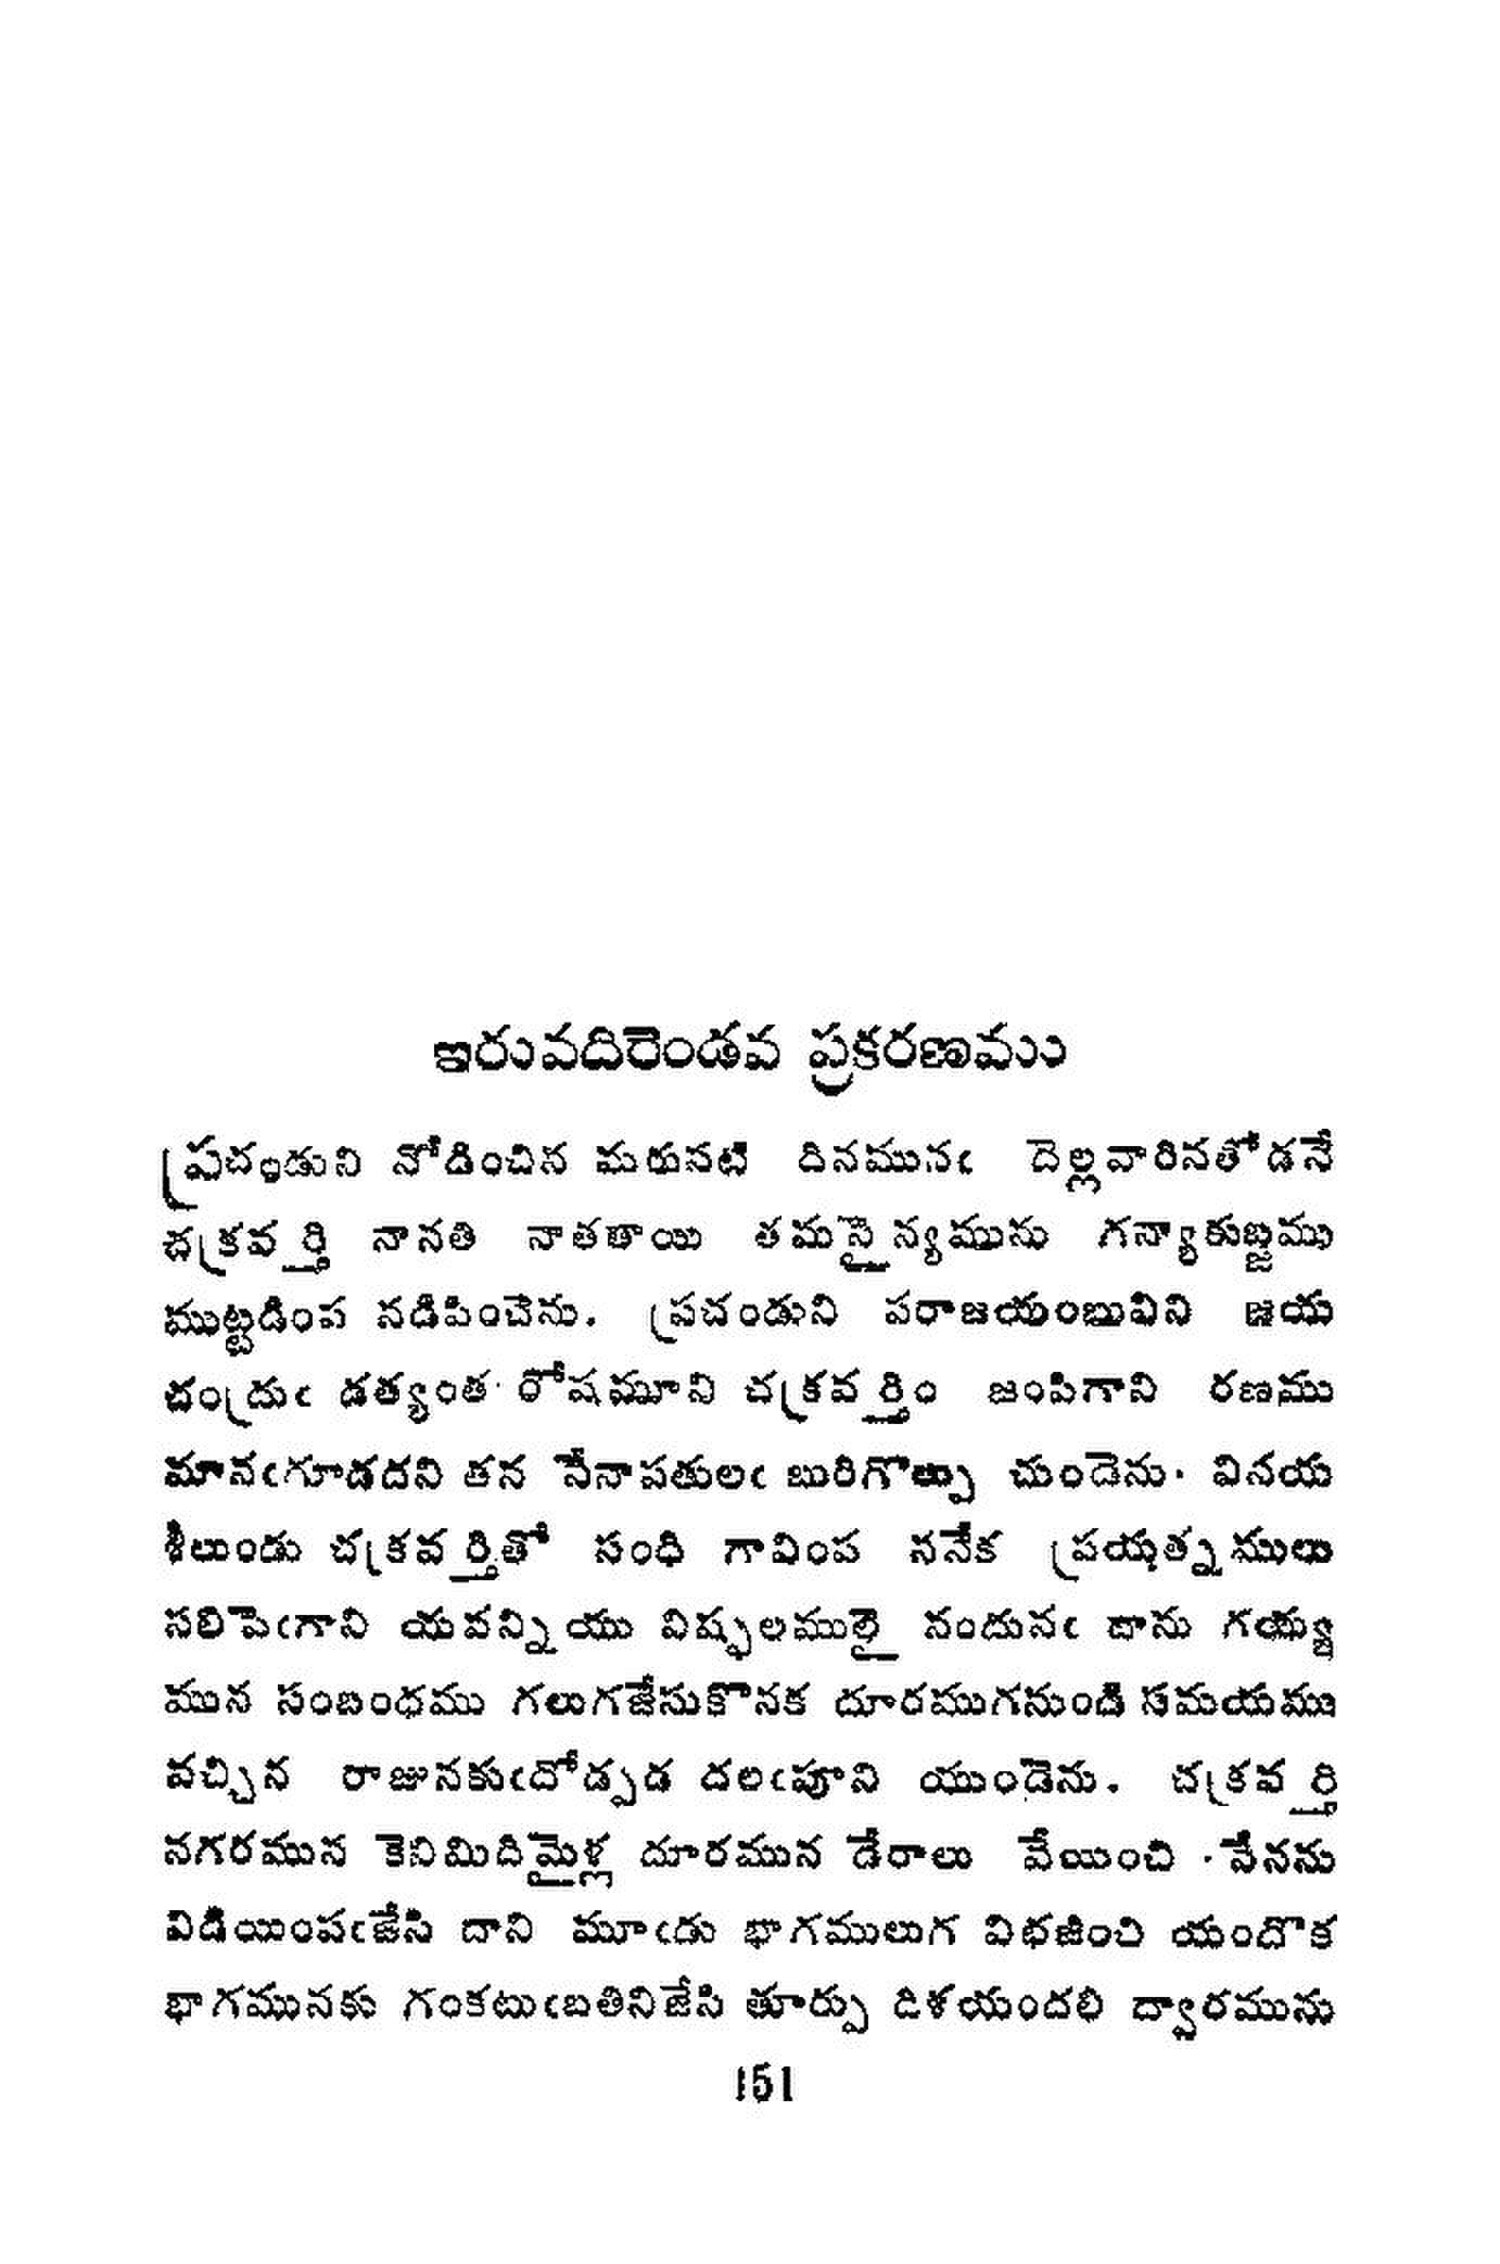ఇరువదిరెండవ ప్రకరణము

చండుని నోడించిన మరుసటి దినమునఁ దెల్లవారినతోడనే చక్రవర్తి నానతి నాతతాయి తమసైన్యమును గన్యాకుబ్జము ముట్టడింప నడిపించెను. ప్రచండుని పరాజయంబువిని జయచంద్రుఁ డత్యంత రోషమూని చక్రవర్తిం జంపిగాని రణము మానఁగూడదని తన సేనాపతులఁ బురిగొల్పు చుండెను. వినయశీలుండు చక్రవర్తితో సంధి గావింప ననేక ప్రయత్నములు సలిపెఁగాని యవన్నియు నిష్ఫలములై నందునఁ దాను గయ్యమున సంబంధము గలుగజేసుకొనక దూరముగనుండి సమయము వచ్చిన రాజునకుఁదోడ్పడ దలఁపూని యుండెను. చక్రవర్తి నగరమున కెనిమిది మైళ్ల దూరమున డేరాలు వేయించి సేనను విడియింపఁజేసి దాని మూఁడు భాగములుగ విభజించి యందొక భాగమునకు గంకటుఁబతిని జేసి తూర్పు దిశయందలి ద్వారమును